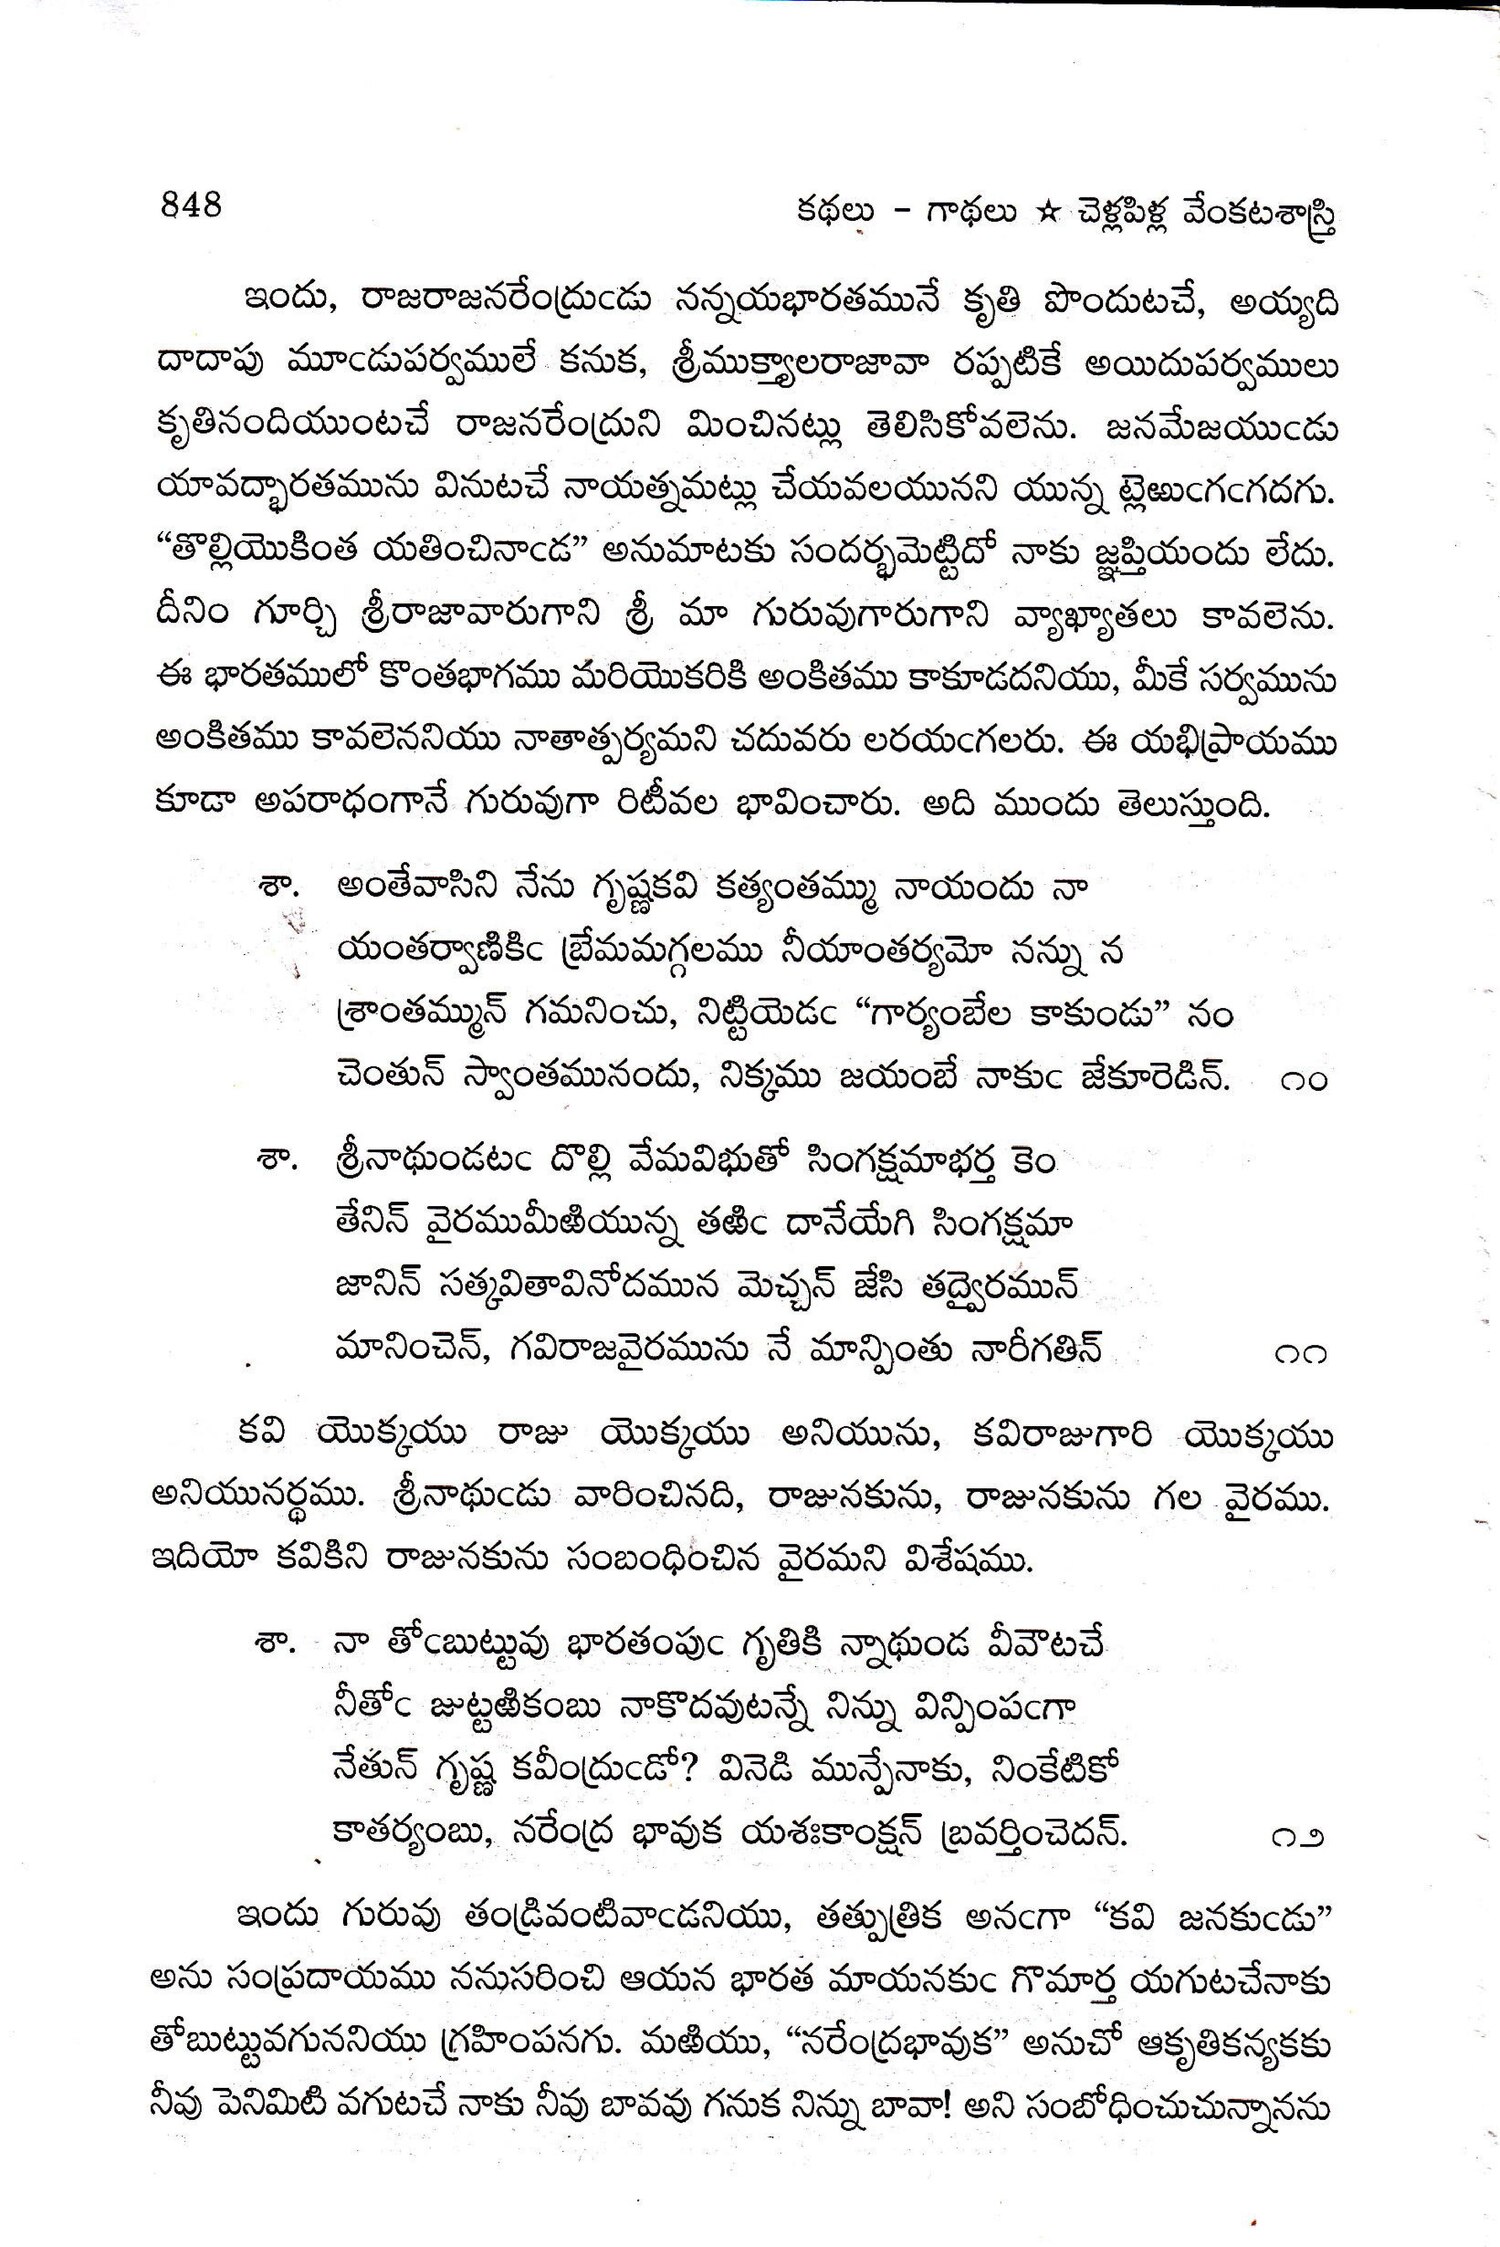ఇందు, రాజరాజనరేంద్రుఁడు నన్నయభారతమునే కృతి పొందుటచే, అయ్యది దాదాపు మూఁడుపర్వములే కనుక, శ్రీముక్త్యాలరాజావా రప్పటికే అయిదుపర్వములు కృతినందియుంటచే రాజనరేంద్రుని మించినట్లు తెలిసికోవలెను. జనమేజయుఁడు యావద్భారతమును వినుటచే నాయత్నమట్లు చేయవలయునని యున్న ట్లెఱుఁగఁగదగు. "తొల్లియొకింత యతించినాఁడ" అనుమాటకు సందర్భమెట్టిదో నాకు జ్ఞప్తియందు లేదు. దీనిం గూర్చి శ్రీరాజావారుగాని శ్రీ మా గురువుగారుగాని వ్యాఖ్యాతలు కావలెను. ఈ భారతములో కొంతభాగము మరియొకరికి అంకితము కాకూడదనియు, మీకే సర్వమును అంకితము కావలెననియు నాతాత్పర్యమని చదువరు లరయఁగలరు. ఈ యభిప్రాయము కూడా అపరాధంగానే గురువుగా రిటీవల భావించారు. అది ముందు తెలుస్తుంది.

శా. అంతేవాసిని నేను గృష్ణకవి కత్యంతమ్ము నాయందు నా 
 యంతర్వాణికిఁ బ్రేమమగ్గలము నీయాంతర్యమో నన్ను న
 శ్రాంతమ్మున్ గమనించు, నిట్టియెడఁ “గార్యంబేల కాకుండు" నం
 చెంతున్ స్వాంతమునందు, నిక్కము జయంబే నాకుఁ జేకూరెడిన్. - 10

శా. శ్రీనాథుండటఁ దొల్లి వేమవిభుతో సింగక్షమాభర్త కెం
 తేనిన్ వైరముమీఱియున్న తఱిఁ దానేయేగి సింగక్షమా 
 జానిన్ సత్కవితావినోదమున మెచ్చన్ జేసి తద్వైరమున్ 
 మానించెన్, గవిరాజవైరమును నే మాన్పింతు నారీగతిన్ - 11
కవి యొక్కయు రాజు యొక్కయు అనియును, కవిరాజుగారి యొక్కయు అనియునర్ధము. శ్రీనాథుఁడు వారించినది, రాజునకును, రాజునకును గల వైరము. ఇదియో కవికిని రాజునకును సంబంధించిన వైరమని విశేషము. -

శా. నా తోఁబుట్టువు భారతంపుఁ గృతికి న్నాథుండ వీవౌటచే
 నీతోఁ జుట్టఱికంబు నాకొదవుటన్నే నిన్ను విన్పింపఁగా 
 నేతున్ గృష్ణ కవీంద్రుఁడో? వినెడి మన్పేనాకు, నింకేటికో 
 కాతర్యంబు, నరేంద్ర భావుక యశఃకాంక్షన్ బ్రవర్తించెదన్. - 12
ఇందు గురువు తండ్రివంటివాఁడనియు, తత్పుత్రిక అనఁగా "కవి జనకుఁడు" అను సంప్రదాయము ననుసరించి ఆయన భారత మాయనకుఁ గొమార్త యగుటచేనాకు తోబుట్టువగుననియు గ్రహింపనగు. మఱియు, "నరేంద్రభావుక" అనుచో ఆకృతికన్యకకు నీవు పెనిమిటి వగుటచే నాకు నీవు బావవు గనుక నిన్ను బావా! అని సంబోధించుచున్నానను